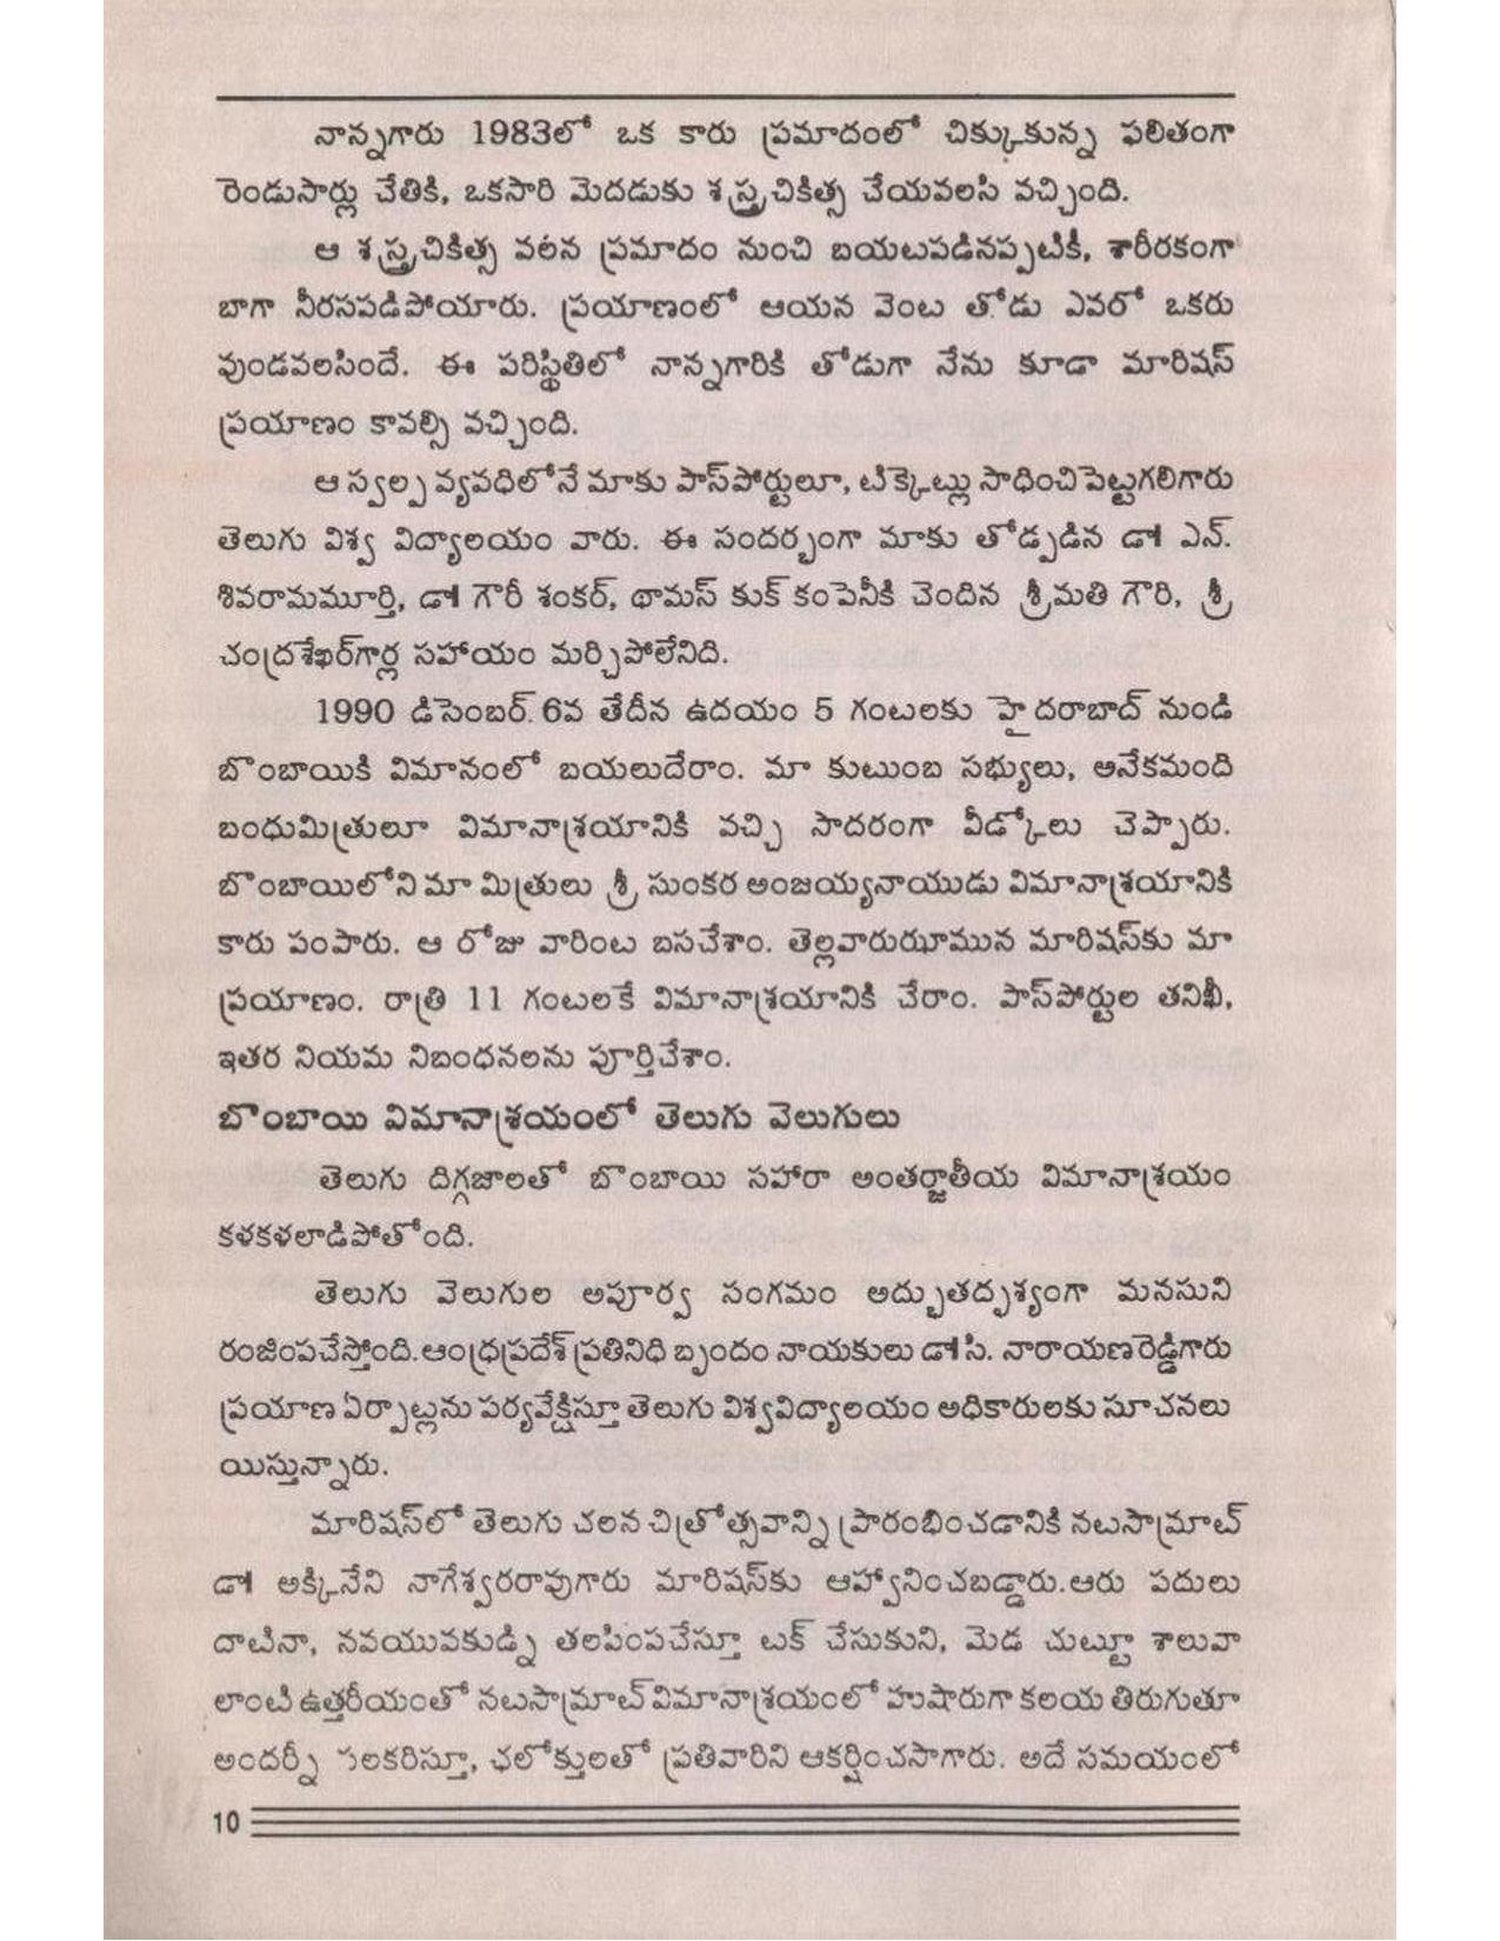నాన్నగారు 1983లో ఒక కారు ప్రమాదంలో చిక్కుకున్న ఫలితంగా రెండుసార్లు చేతికి, ఒకసారి మెదడుకు శస్త్రచికిత్స చేయవలసి వచ్చింది.

ఆ శస్త్రచికిత్స వలన ప్రమాదం నుంచి బయటపడినప్పటికీ, శారీరకంగా బాగా నీరసపడిపోయారు. ప్రయాణంలో ఆయన వెంట తోడు ఎవరో ఒకరు వుండవలసిందే. ఈ పరిస్థితిలో నాన్నగారికి తోడుగా నేను కూడా మారిషస్ ప్రయాణం కావల్సి వచ్చింది.

ఆ స్వల్ప వ్యవధిలోనే మాకు పాస్‌పోర్టులూ, టిక్కెట్టు సాధించిపెట్టగలిగారు తెలుగు విశ్వ విద్యాలయం వారు. ఈ సందర్భంగా మాకు తోడ్పడిన డా॥ ఎన్. శివరామమూర్తి, డా॥ గౌరీ శంకర్, థామస్ కుక్ కంపెనీకి చెందిన శ్రీమతి గౌరి, శ్రీ చంద్రశేఖర్‌గార్ల సహాయం మర్చిపోలేనిది.

1990 డిసెంబర్ 6వ తేదీన ఉదయం 5 గంటలకు హైదరాబాద్ నుండి బొంబాయికి విమానంలో బయలుదేరాం. మా కుటుంబ సభ్యులు, అనేకమంది బంధుమిత్రులూ విమానాశ్రయానికి వచ్చి సాదరంగా వీడ్కోలు చెప్పారు. బొంబాయిలోని మా మిత్రులు శ్రీ సుంకర అంజయ్యనాయుడు విమానాశ్రయానికి కారు పంపారు. ఆ రోజు వారింట బసచేశాం. తెల్లవారుఝామున మారిషస్‌కు మా ప్రయాణం. రాత్రి 11 గంటలకే విమానాశ్రయానికి చేరాం. పాస్‌పోర్టుల తనిఖీ, ఇతర నియమ నిబంధనలను పూర్తిచేశాం. 

బొంబాయి విమానాశ్రయంలో తెలుగు వెలుగులు

తెలుగు దిగ్గజాలతో బొంబాయి సహారా అంతర్జాతీయ విమానాశ్రయం కళకళలాడిపోతోంది.

తెలుగు వెలుగుల అపూర్వ సంగమం అద్బుతదృశ్యంగా మనసుని రంజింపచేస్తోంది.ఆంధ్రప్రదేశ్ ప్రతినిధి బృందం నాయకులు డా॥ సి. నారాయణరెడ్డిగారు ప్రయాణ ఏర్పాట్లను పర్యవేక్షిస్తూ తెలుగు విశ్వవిద్యాలయం అధికారులకు సూచనలు యిస్తున్నారు.

మారిషస్‌లో తెలుగు చలన చిత్రోత్సవాన్ని ప్రారంభించడానికి నటసామ్రాట్ డా॥ అక్కినేని నాగేశ్వరరావుగారు మారిషస్‌కు ఆహ్వానించబడ్డారు. ఆరు పదులు దాటినా, నవయువకుడ్ని తలపింపచేస్తూ టక్ చేసుకుని, మెడ చుట్టూ శాలువా లాంటి ఉత్తరీయంతో నటసామ్రాట్ విమానాశ్రయంలో హుషారుగా కలయ తిరుగుతూ అందర్నీ పలకరిస్తూ, ఛలోక్తులతో ప్రతివారిని ఆకర్షించసాగారు. అదే సమయంలో